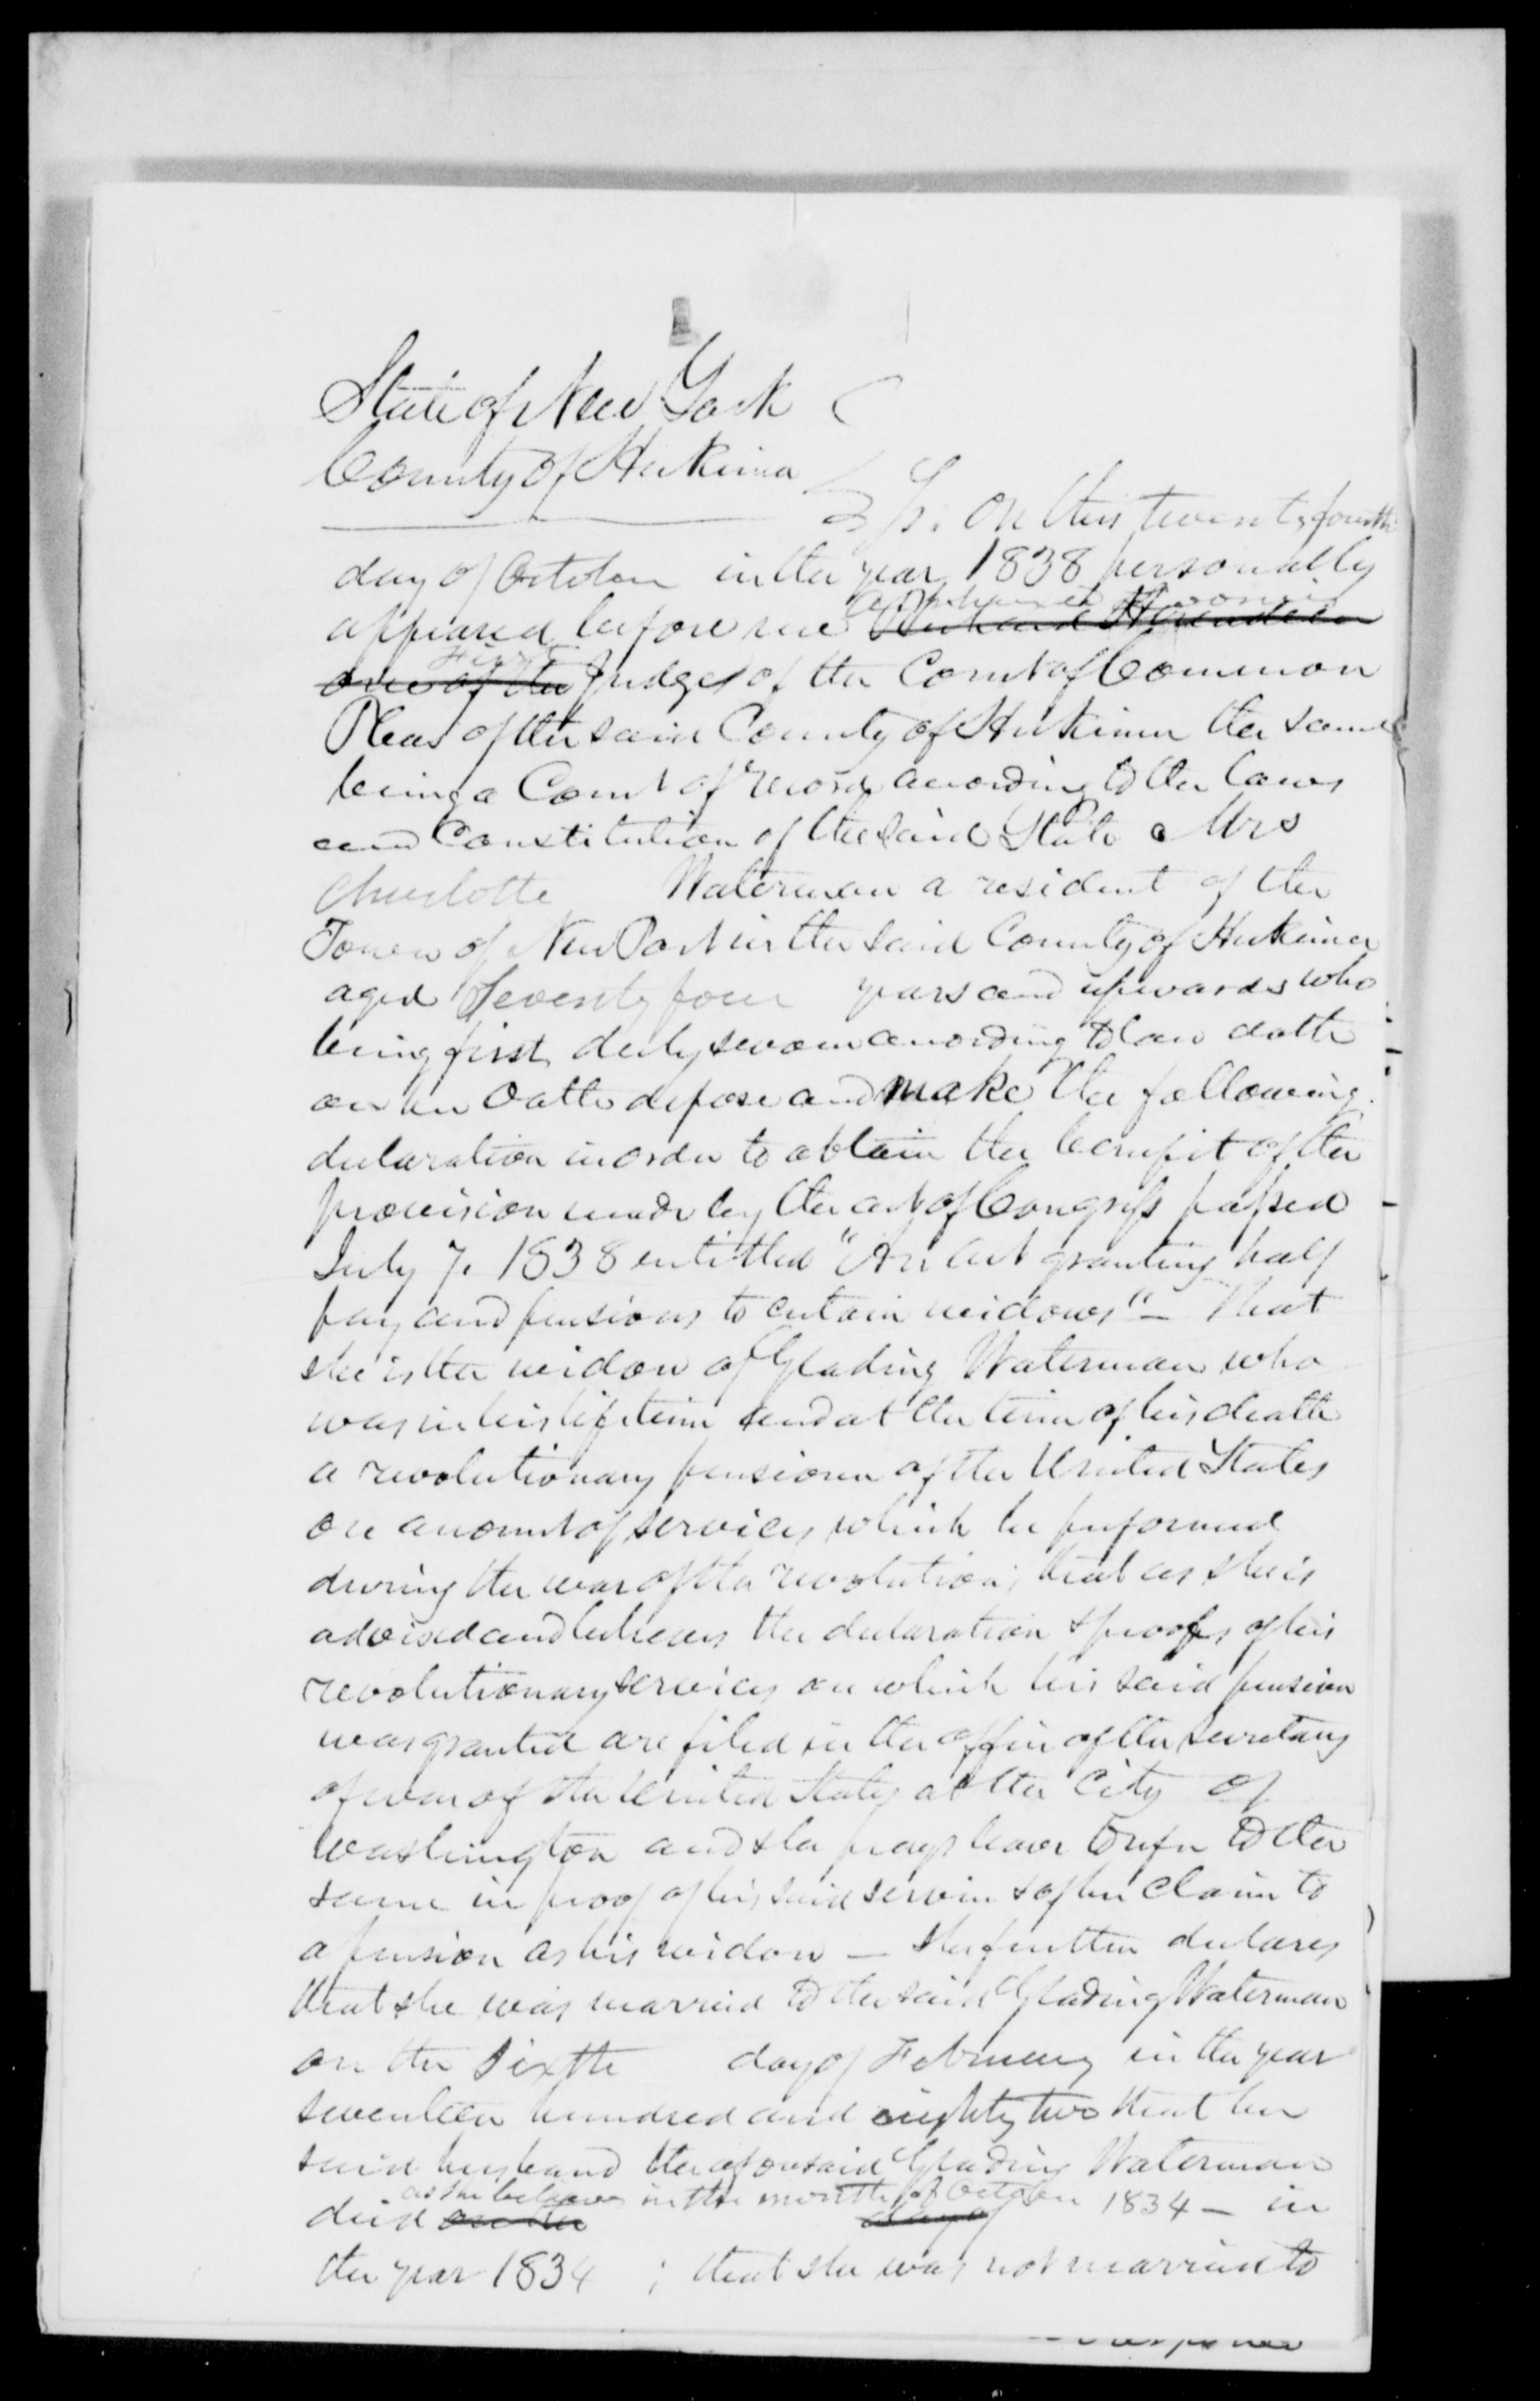State of New York}
County of Herkimer} ss

On this twenty fourth day of October in the year 1838 personally appeared before me , Arphaxed Loomis, First Judge of the County of Common Pleas of the said County of Herkimer, the same being a County of record according to the laws and constitution of the said State, Mrs. Charlotte Waterman, a resident of the Town of New Port in the said County of Herkimer, aged seventy four years and upwards, who being first duly sworn and according to law doth on her oath, depose and make the following declaration in order to obtain the benefit of the provision under [illegible]  the act of Congress passed July 7, 1838, entitled "An act granting half pay and pensions to certain widows". That she is the widow of Glading Waterman, who was in his lifetime and at the time of his death a revolutionary pensioner of the United States on account of services which he performed during the war of the revolution. That as she is advised and believes the  declaration & proofs of his revolutionary service, on which his said pension was granted are filed in the office of the Secretary of War of the United States at the City of Washington and she prays to refer to the same in proof of his said service & of her claim to a pension as his widow. She further declares that she was married to the said Glading Waterman on the sixth day of February in the year Seventeen hundred and eighty two. That her said husband aforesaid, Glading Waterman died, as she believes in the month of October 1834. The year 1834.  That she was not married to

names: Glading Waterman, Charlotte Waterman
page: 10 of 50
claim: widow's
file: W. 15814, Glading Waterman, Conn. Conn. Sea Service Continental